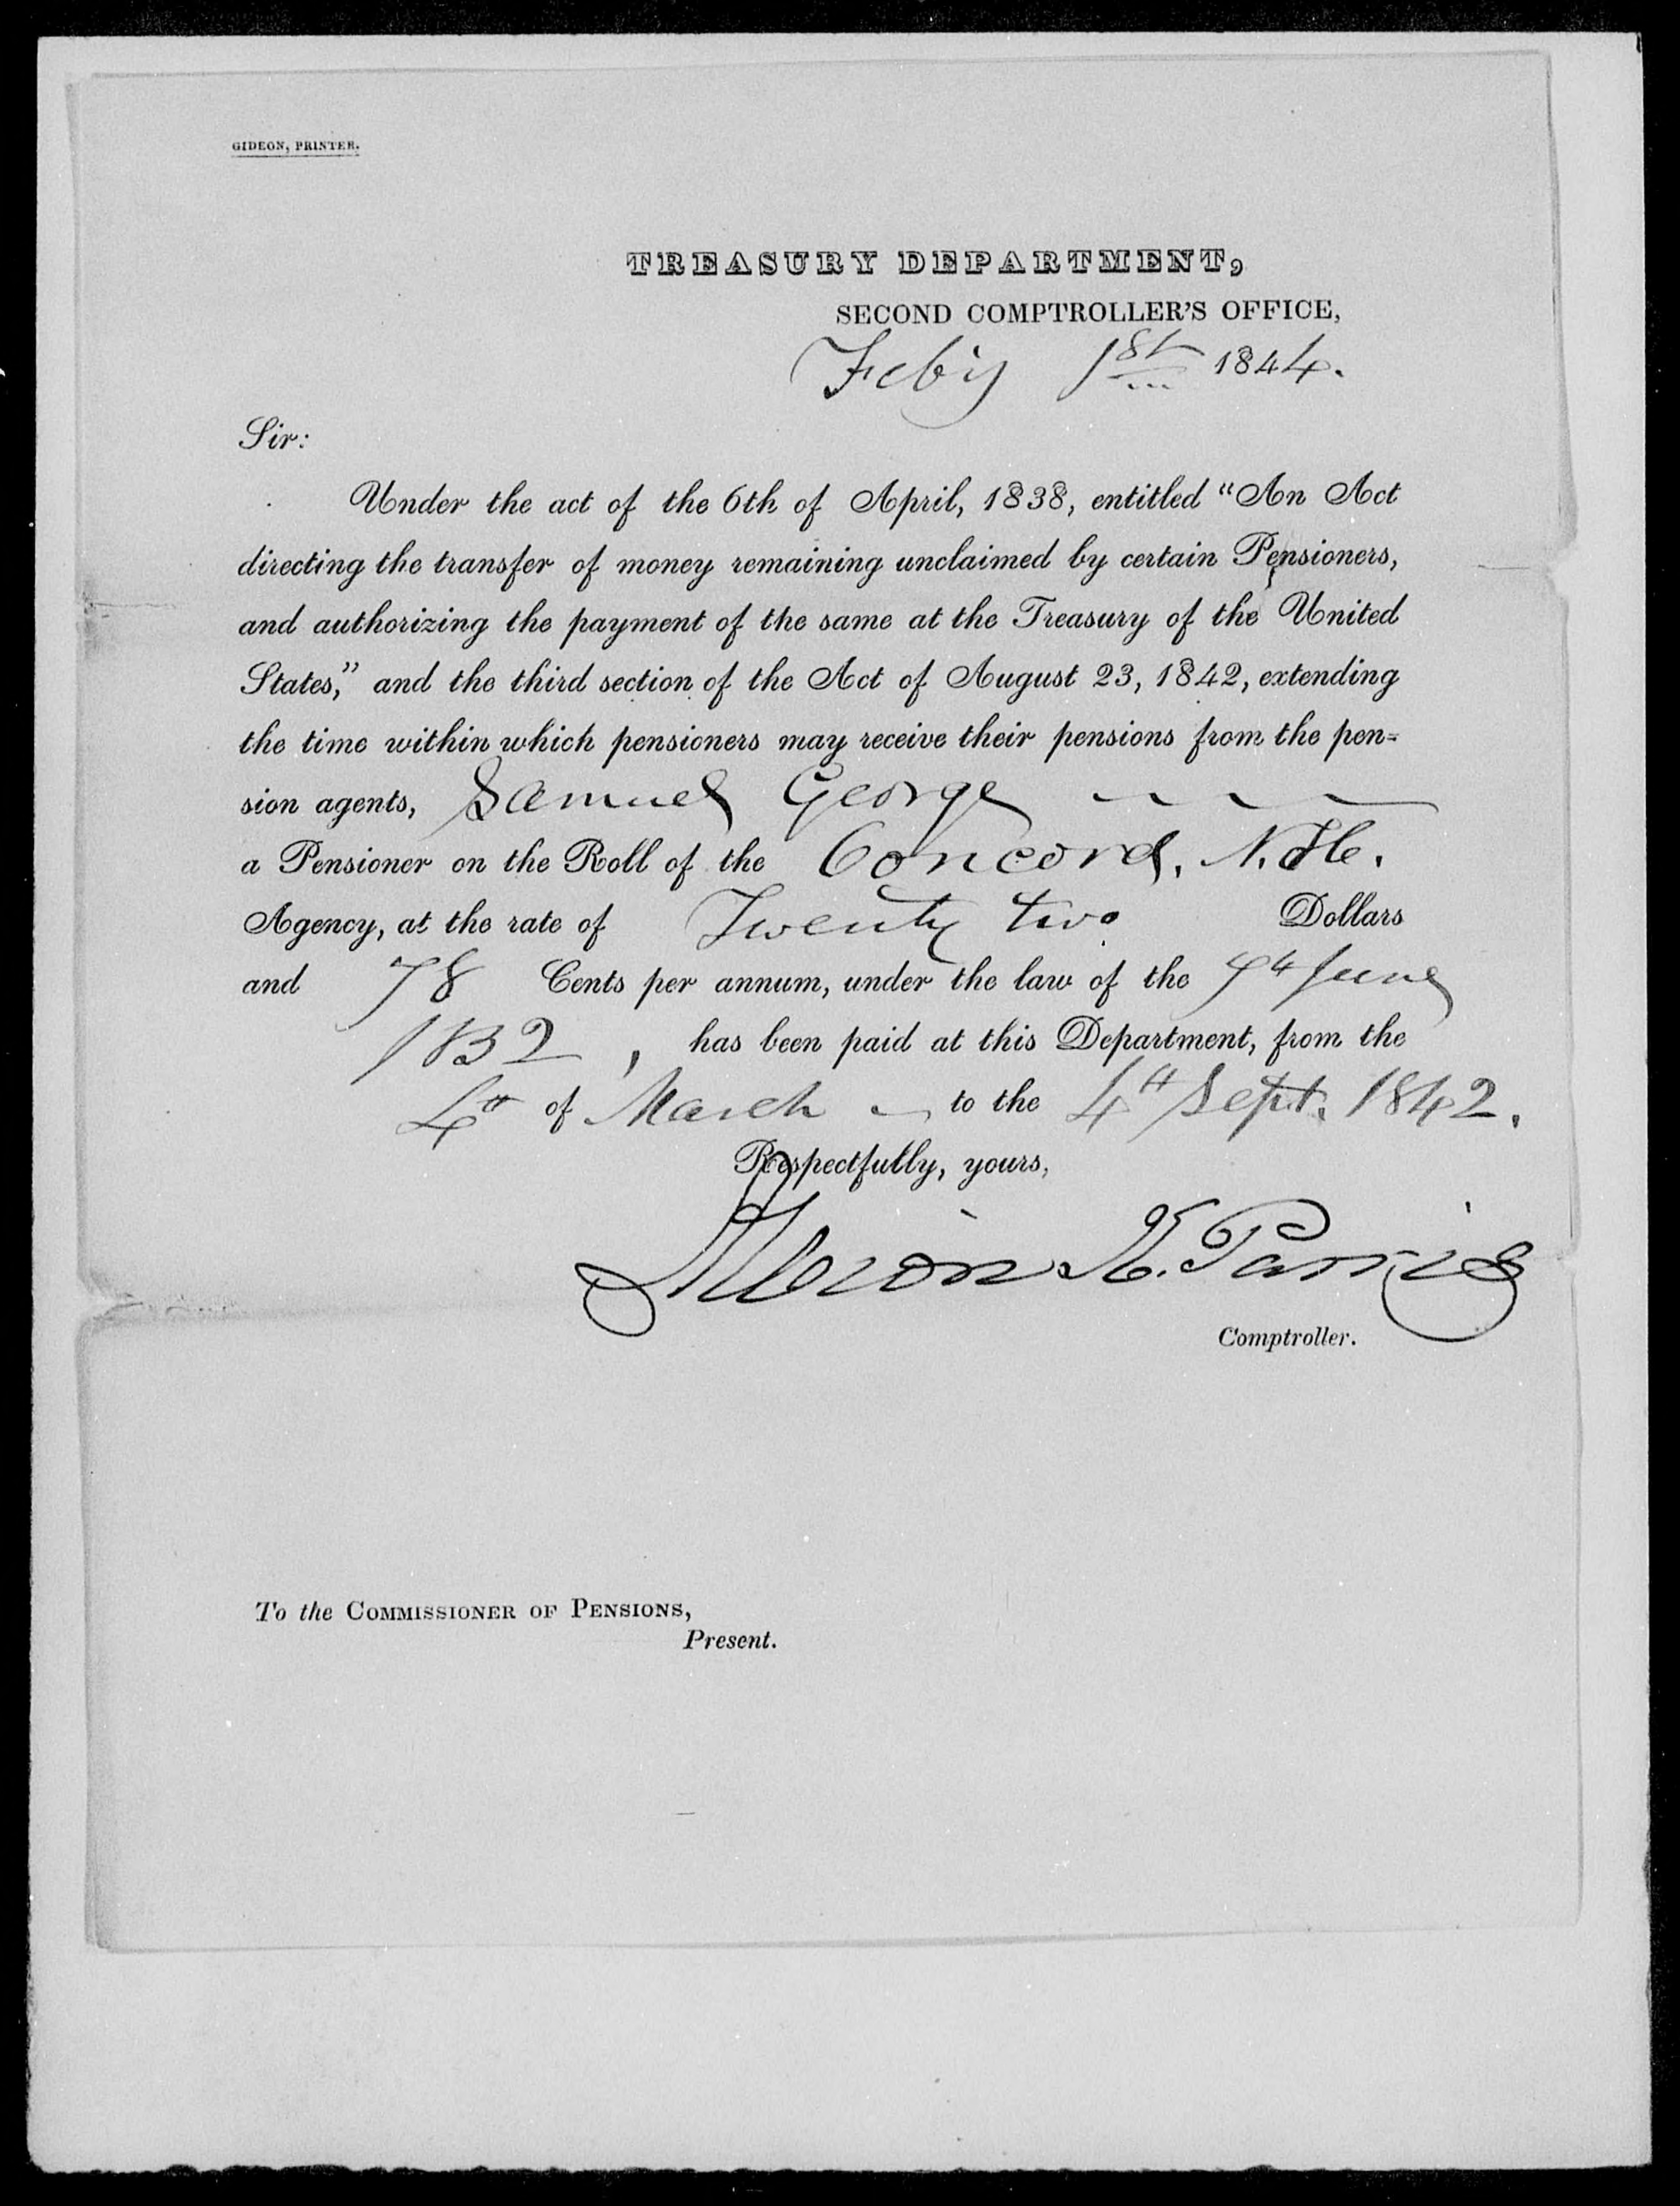GIDEON, PRINTER.

TREASURY DEPARTMENT,
SECOND COMPTROLLER'S OFFICE,
Feb'y 1st 1844.

Sir:

Under the act of the 6th of April, 1838, entitled "An Act directing the transfer of money remaining unclaimed by certain Pensioners, and authorizing the payment of the same at the Treasury of the United States," and the third section of the Act of August 23, 1842, extending the time within which pensioners may receive their pensions from the pension agents, Samuel George a Pensioner on the Roll of the Concord, N.H. Agency, at the rate of Twenty two Dollars and 78 Cents per annum, under the law of the 4th June 1832, has been paid at this Department, from the 4th of March to the 4th Sept. 1842. 

Respectfully, yours,
Albion K. Parris
Comptroller

To the COMISSIONER OF PENSIONS, Present.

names: Albion K Parris, Samuel George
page: 18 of 19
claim: survivor's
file: S. 15140, Samuel George, N.H.